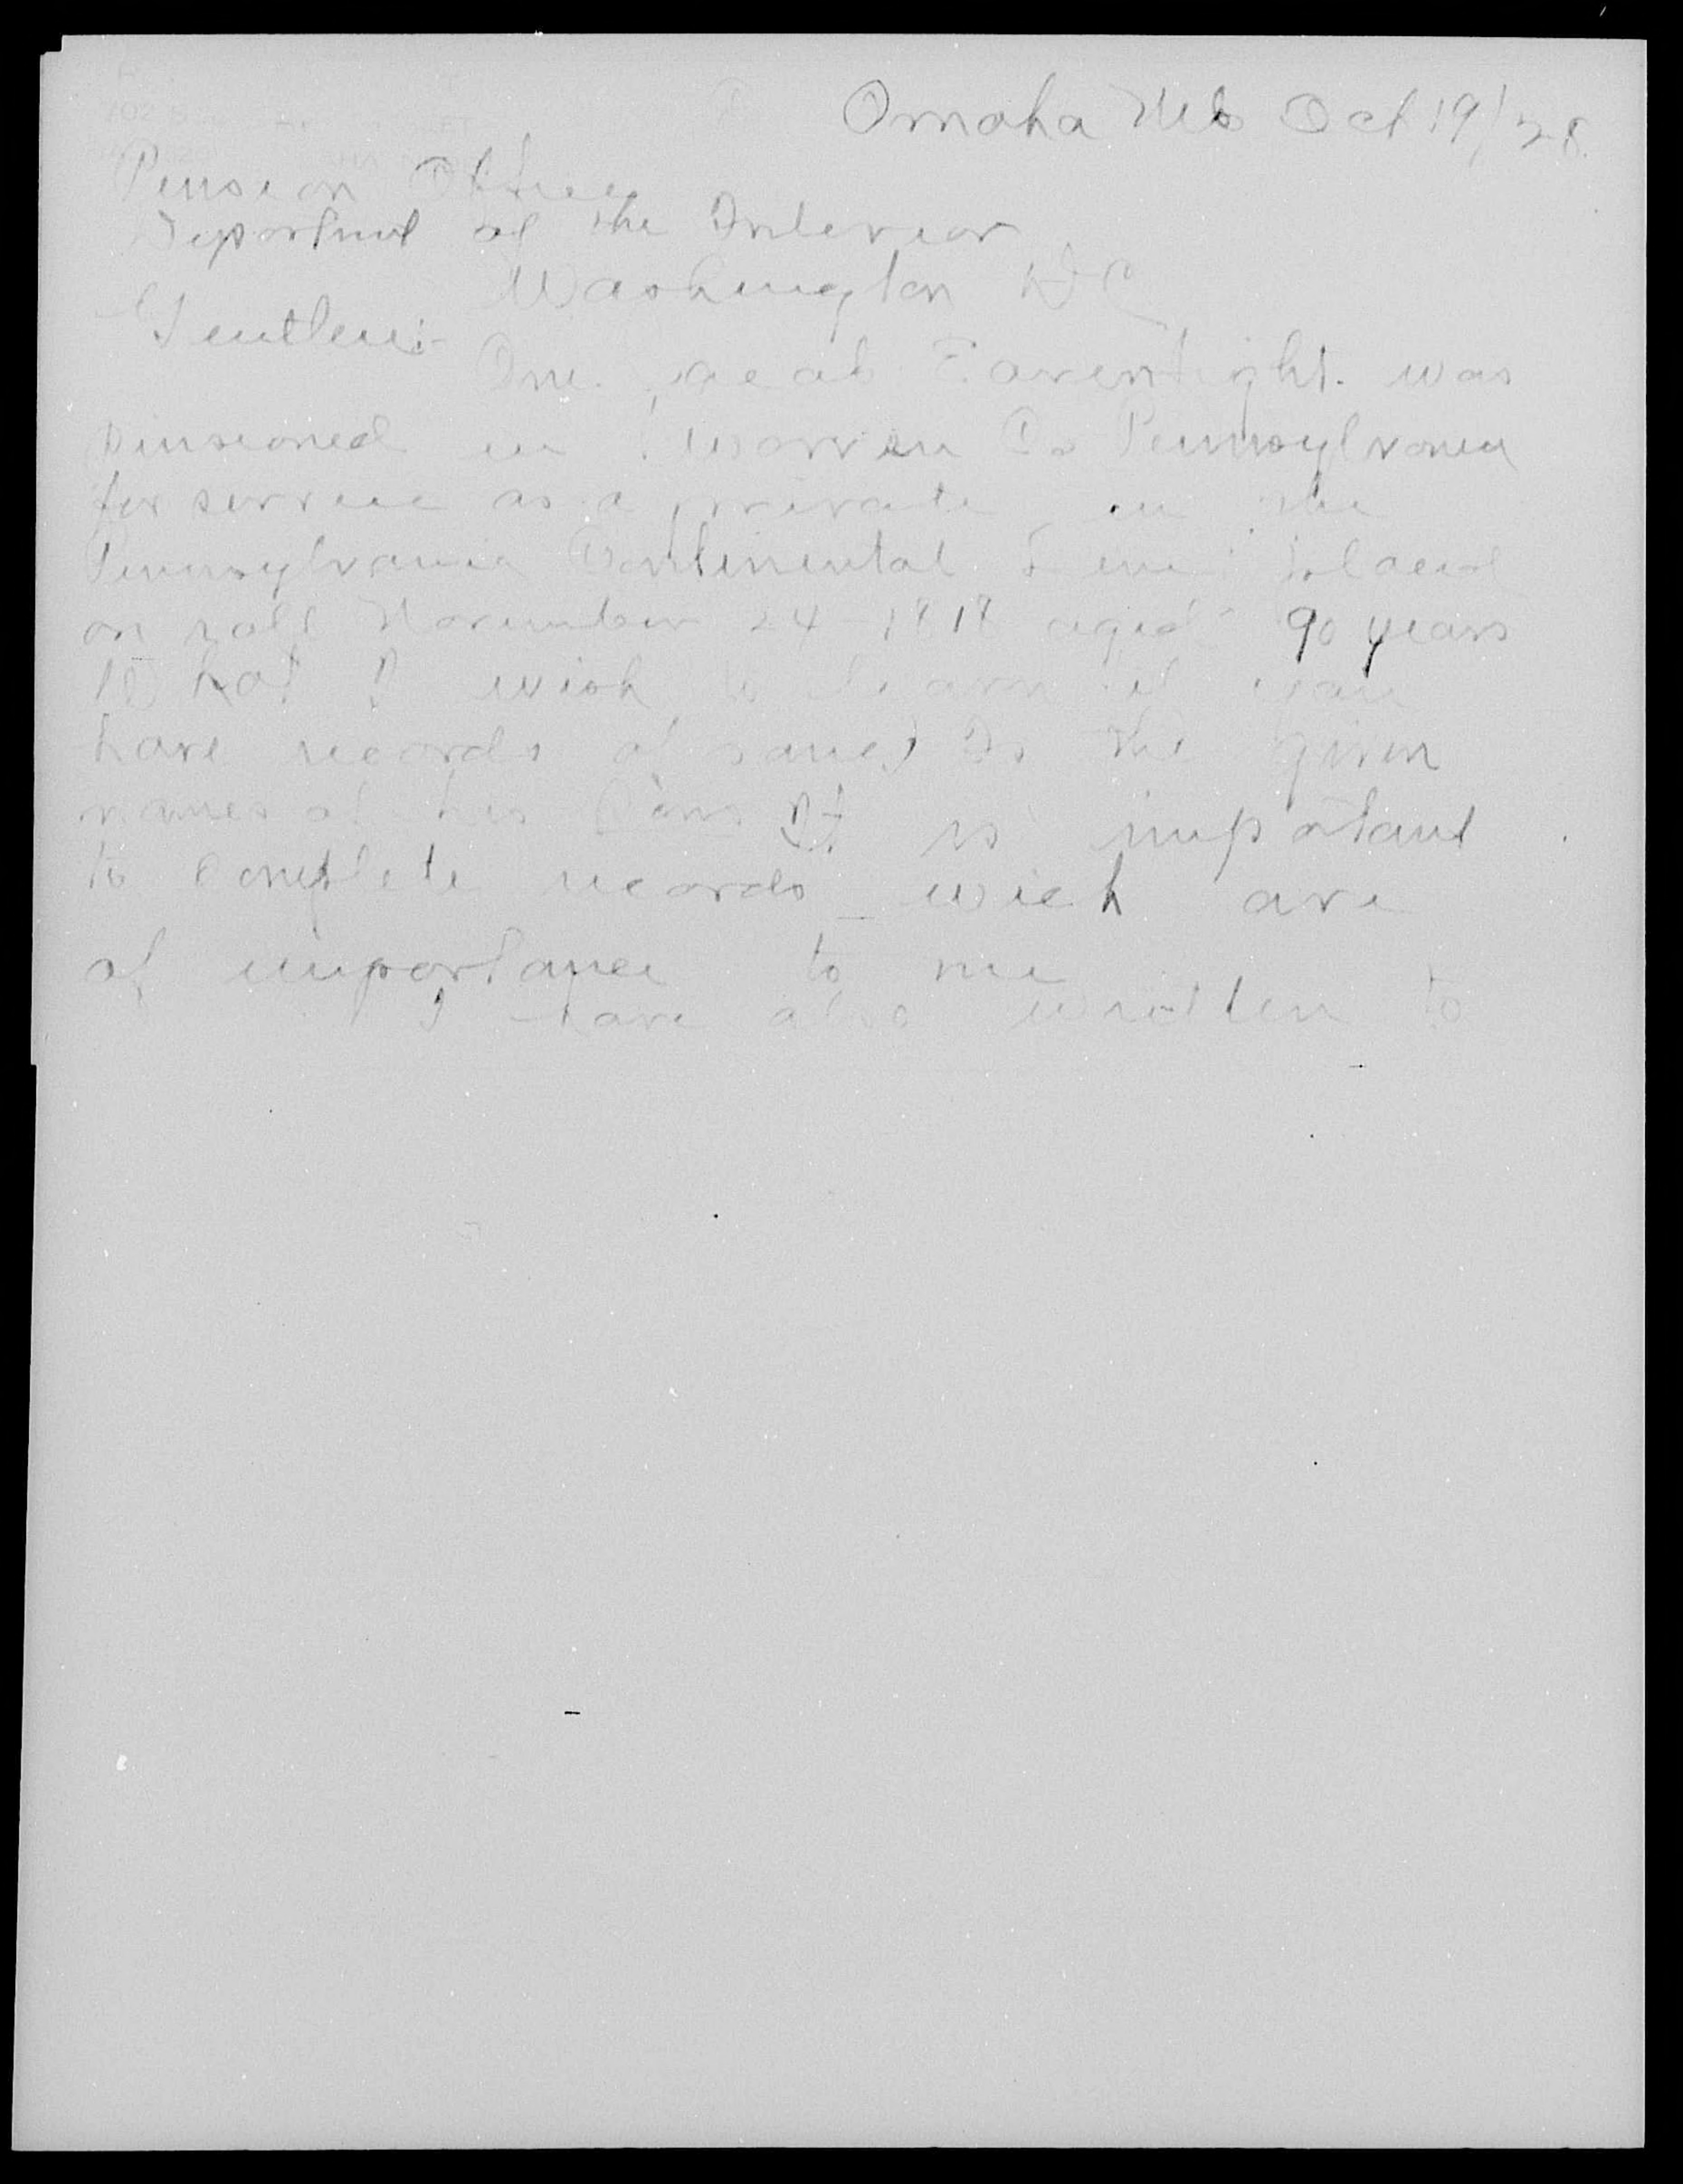Omaha, Neb Oct 19/28
Pension Office
Department of the Interior
Washington, D.C.
Gentlemen: One Jacob Earenfight was
pensioned in Warren Co. Pennsylvania
for service as a private in the
Pennsylvania Continental Service.  [illegible]
on roll November 24, 1818 aged 90 years.
What I wish to learn if you
have records of same in the given
names of his kin. It is important
to complete records which are
of importance to me.
I have also written to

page: 15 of 21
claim: survivor's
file: S. 42691, Jacob Earenfight, Continental Ohio Residence And Agency